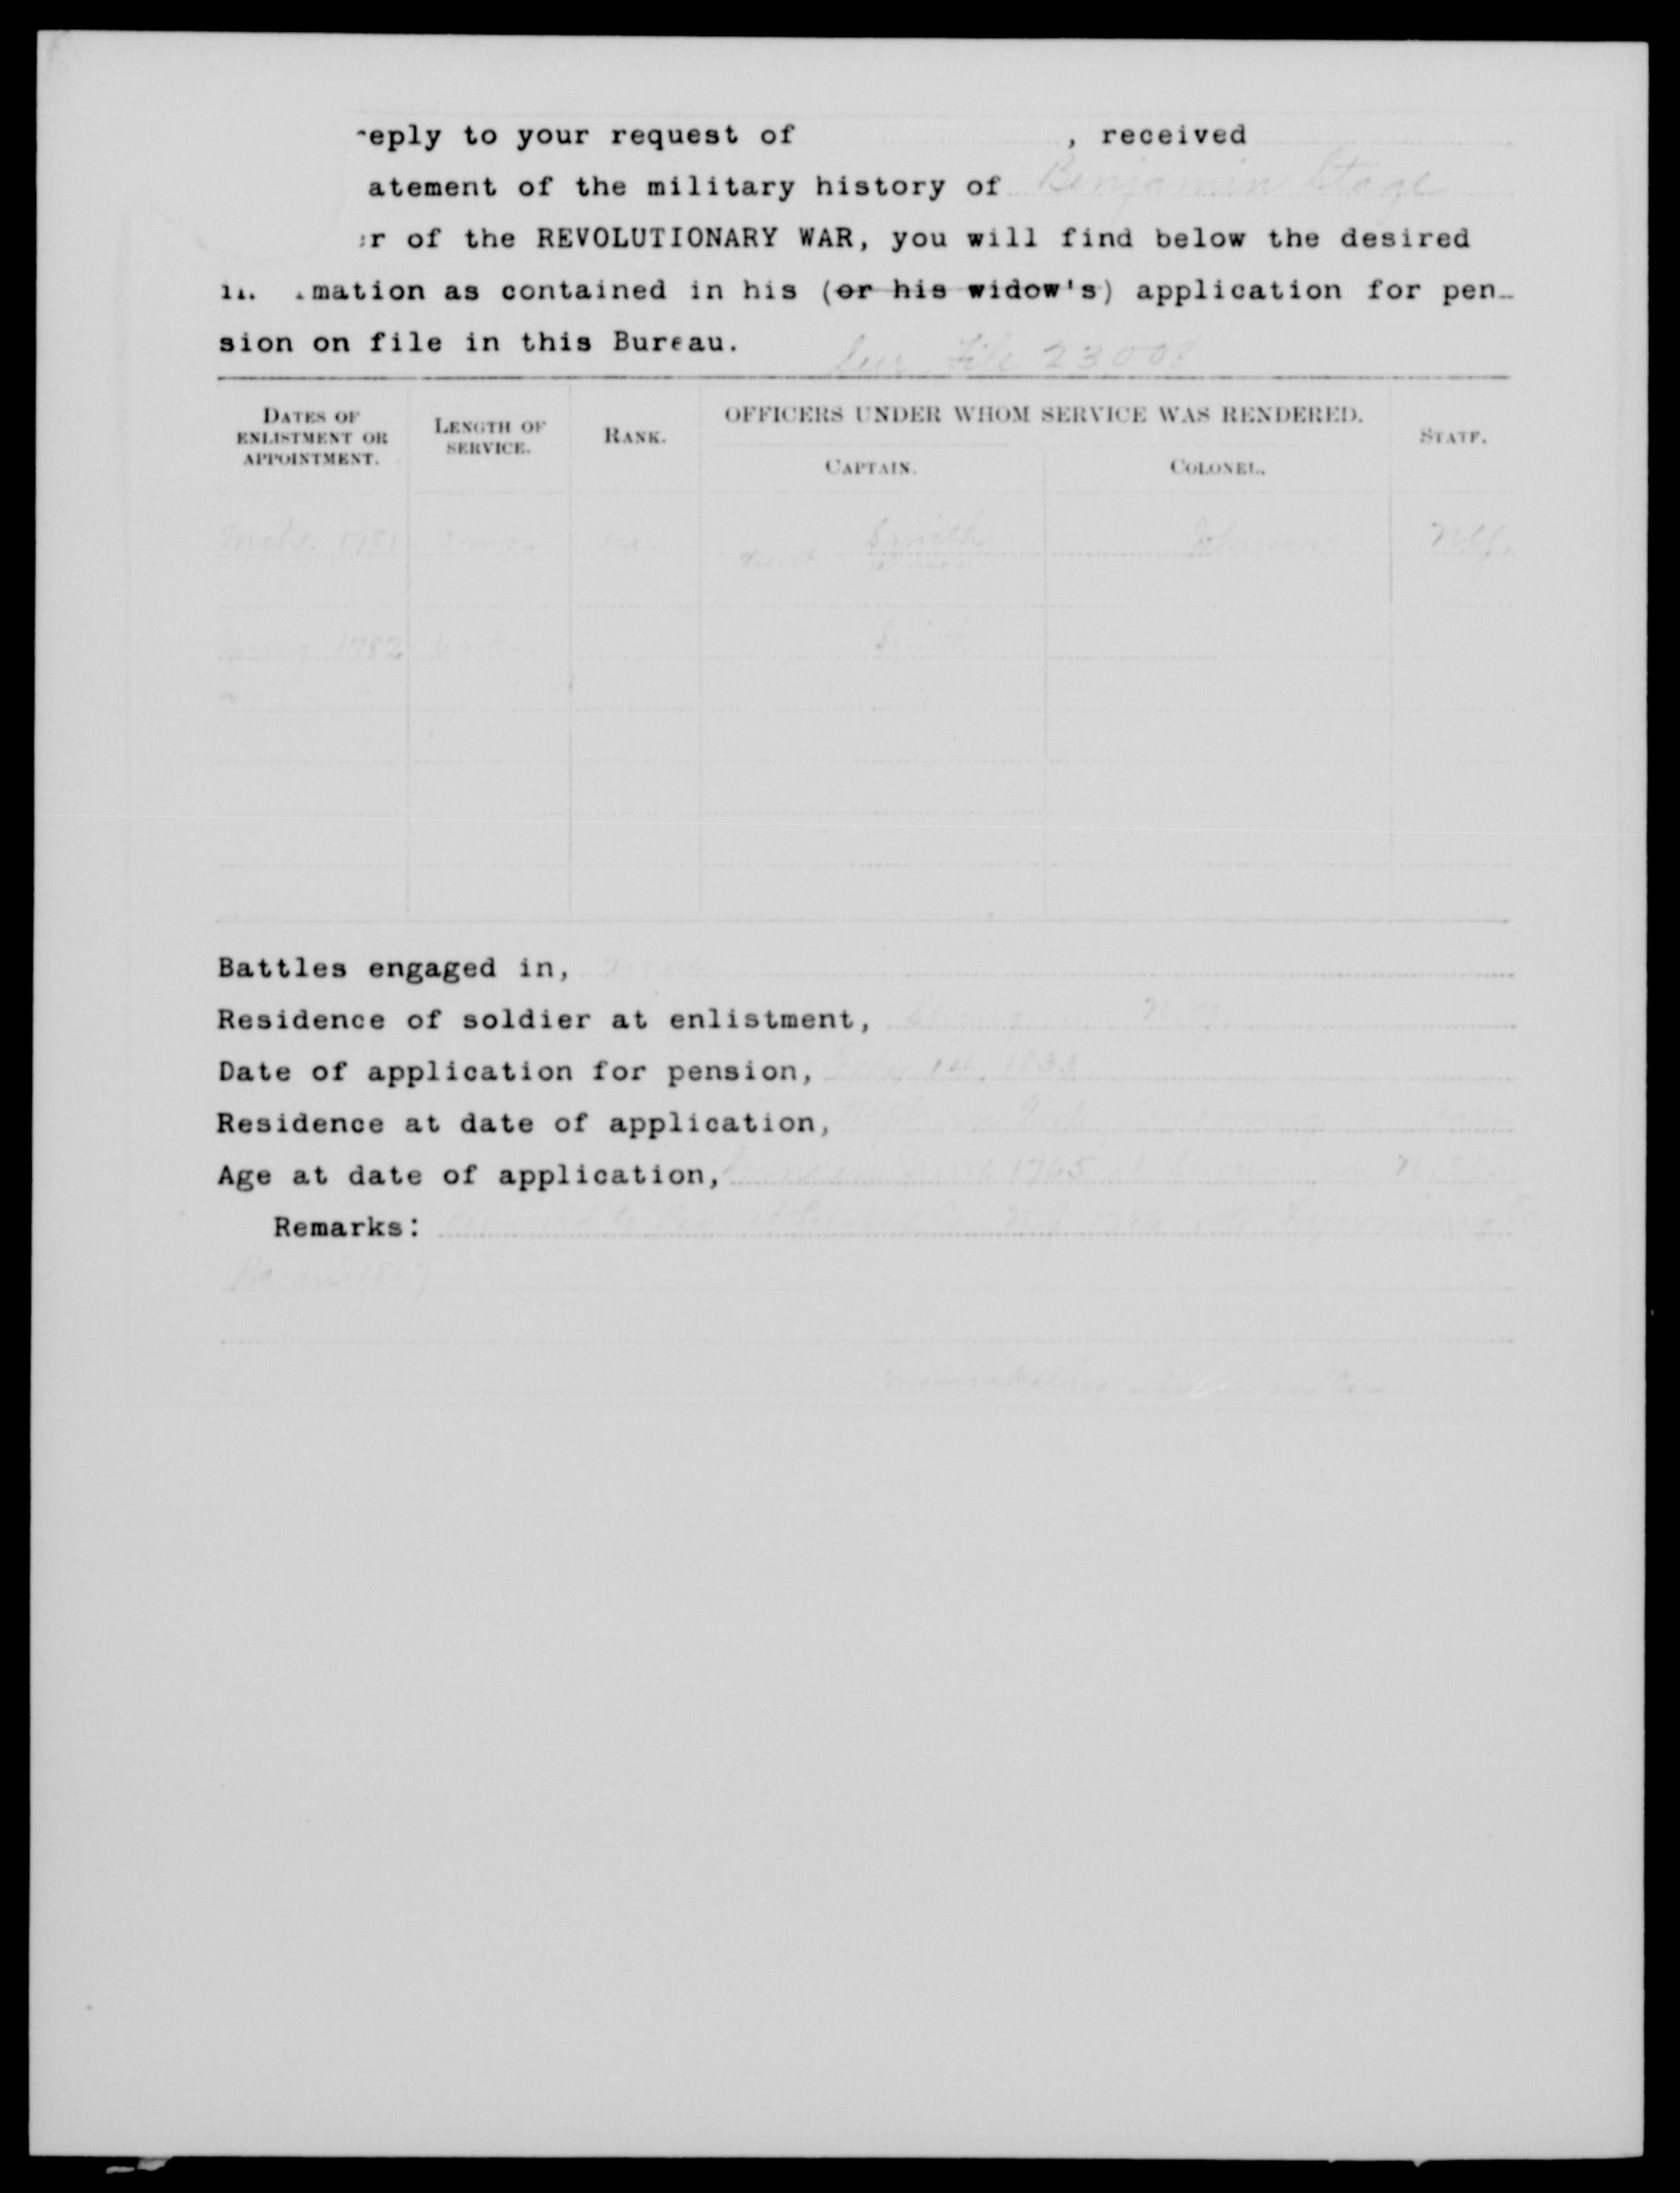In reply to your request of ___ received ___ for a statement of the military history of Benjamin Stage a soldier of the REVOLUTIONARY WAR, you will find below the desired information as contained in his (or his widow's) application for pension on file in this Bureau. 
Sur File 23008
[BEGIN TABLE]
DATES OF ENLISTMENT OR APPOINTMENT.  |   LENGTH OF SERVICE.   |   RANK.   |  OFFICERS UNDER WHOM SERVICE WAS RENDERED. CAPTAIN.   |   COLONEL.   |   STATE.  |
Mch. 1781  |  9 mos.  |  pri  |  Smith  |  Johnson  |  N.Y.  |
[illegible] 1782  |  [illegible]  |    |    |    |    |
[END TABLE]

Battles engaged in, none
Residence of soldier at enlistment, [illegible]
Date of application for pension, July 14, 1833
Residence at date of application, [illegible]
Age at date of application, [illegible] 1765 [illegible]
Remarks: [illegible]

[Remainder of page is illegible, but the following is the standard ending for this form]

Respectfully, 
Commissioner.

3-2856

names: Benjamin Stage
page: 23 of 23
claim: survivor's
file: S. 23008, for Benjamin Stage, New York